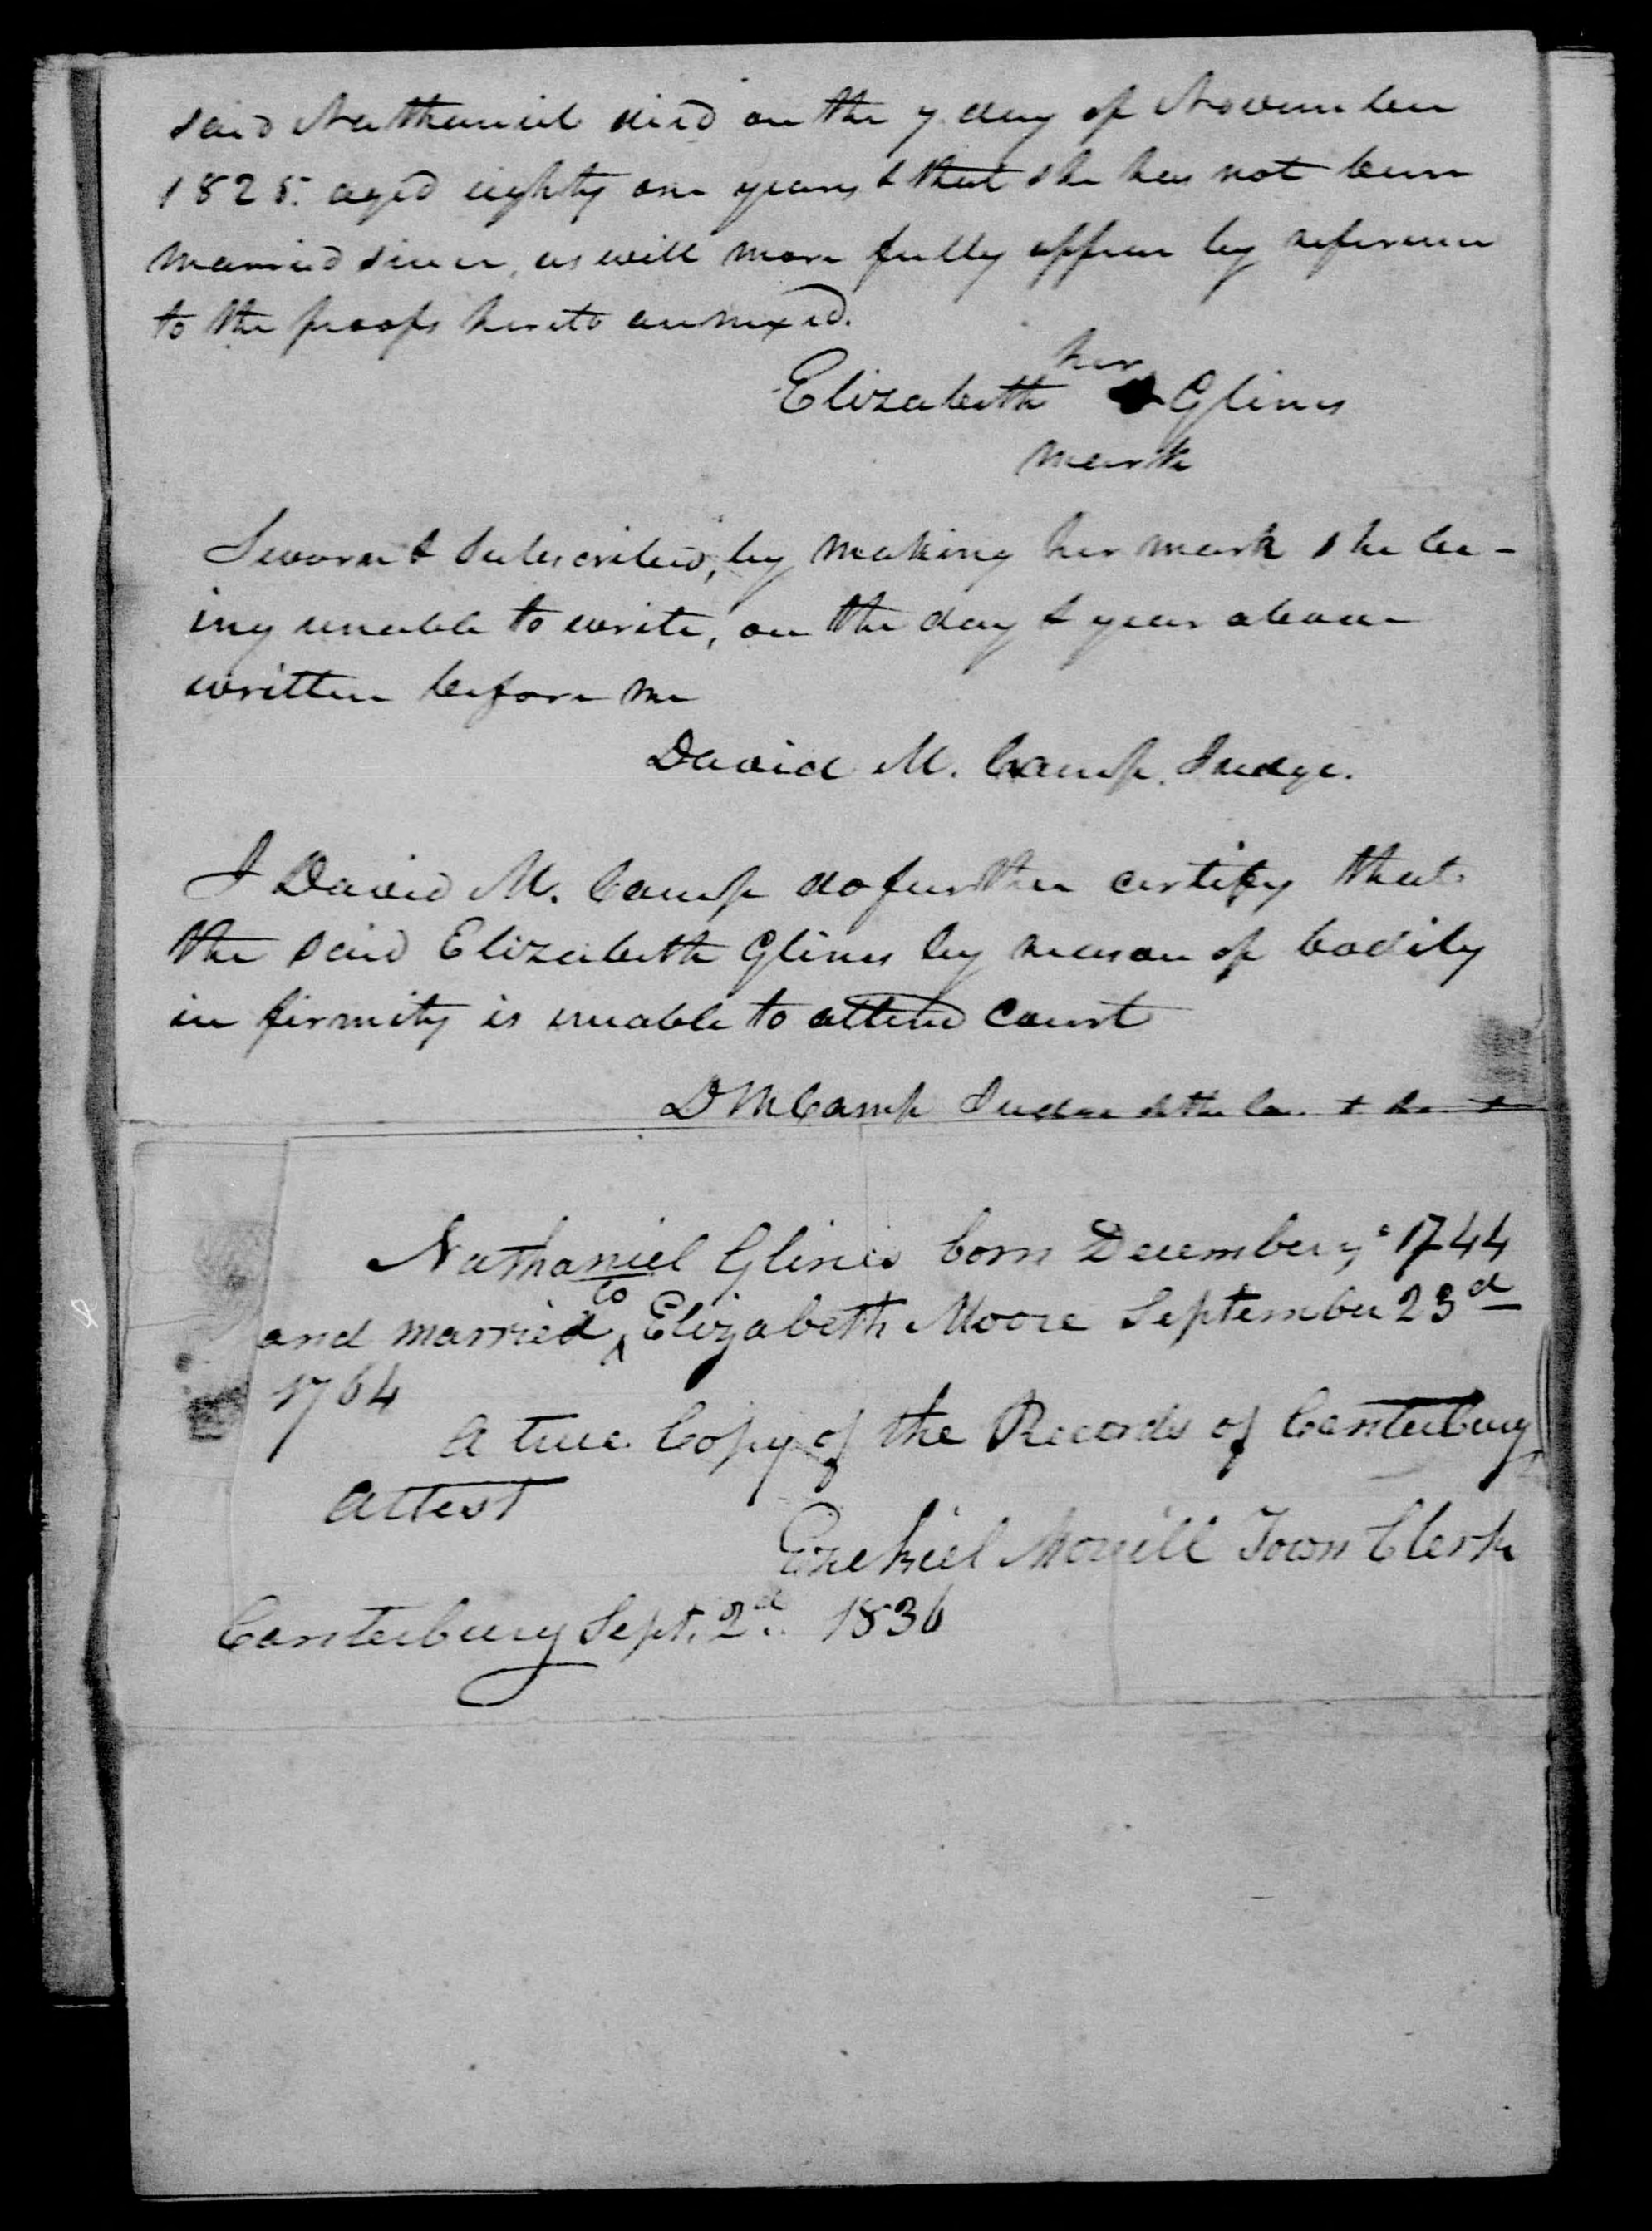said Nathaniel died on the 7 day of November
1825 aged eighty one years & that she has not been
married since, as will more fully appear by reference
to the proofs hereto annexed.
Elizabeth Glines
her mark
Sworn & subscribed, by making her mark she
being unable to write, on the day & year above
written before me
David M. Camp Judge
I David M. Camp do further certify that
the said Elizabeth Glines by reason of bodily
infirmity is unable to attend Court.
D M Camp Judge of the Court [illegible]
Nathaniel Glines born December 1744
and married to Elizabeth Moore September 23rd
1764
A true copy of the Records of Cantebury
attest
Ezekiel Morrill Town Clerk
Canterbury Sept. 2d 1836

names: David M Camp, Elizabeth Moore, D M Camp, Elizabeth Glines, David M Camp, Nathaniel, Ezekiel Morrill, Elizabeth Glines, Nathaniel Glines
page: 14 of 29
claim: widow's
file: W. 24,282, Nathaniel Glines, N.H.